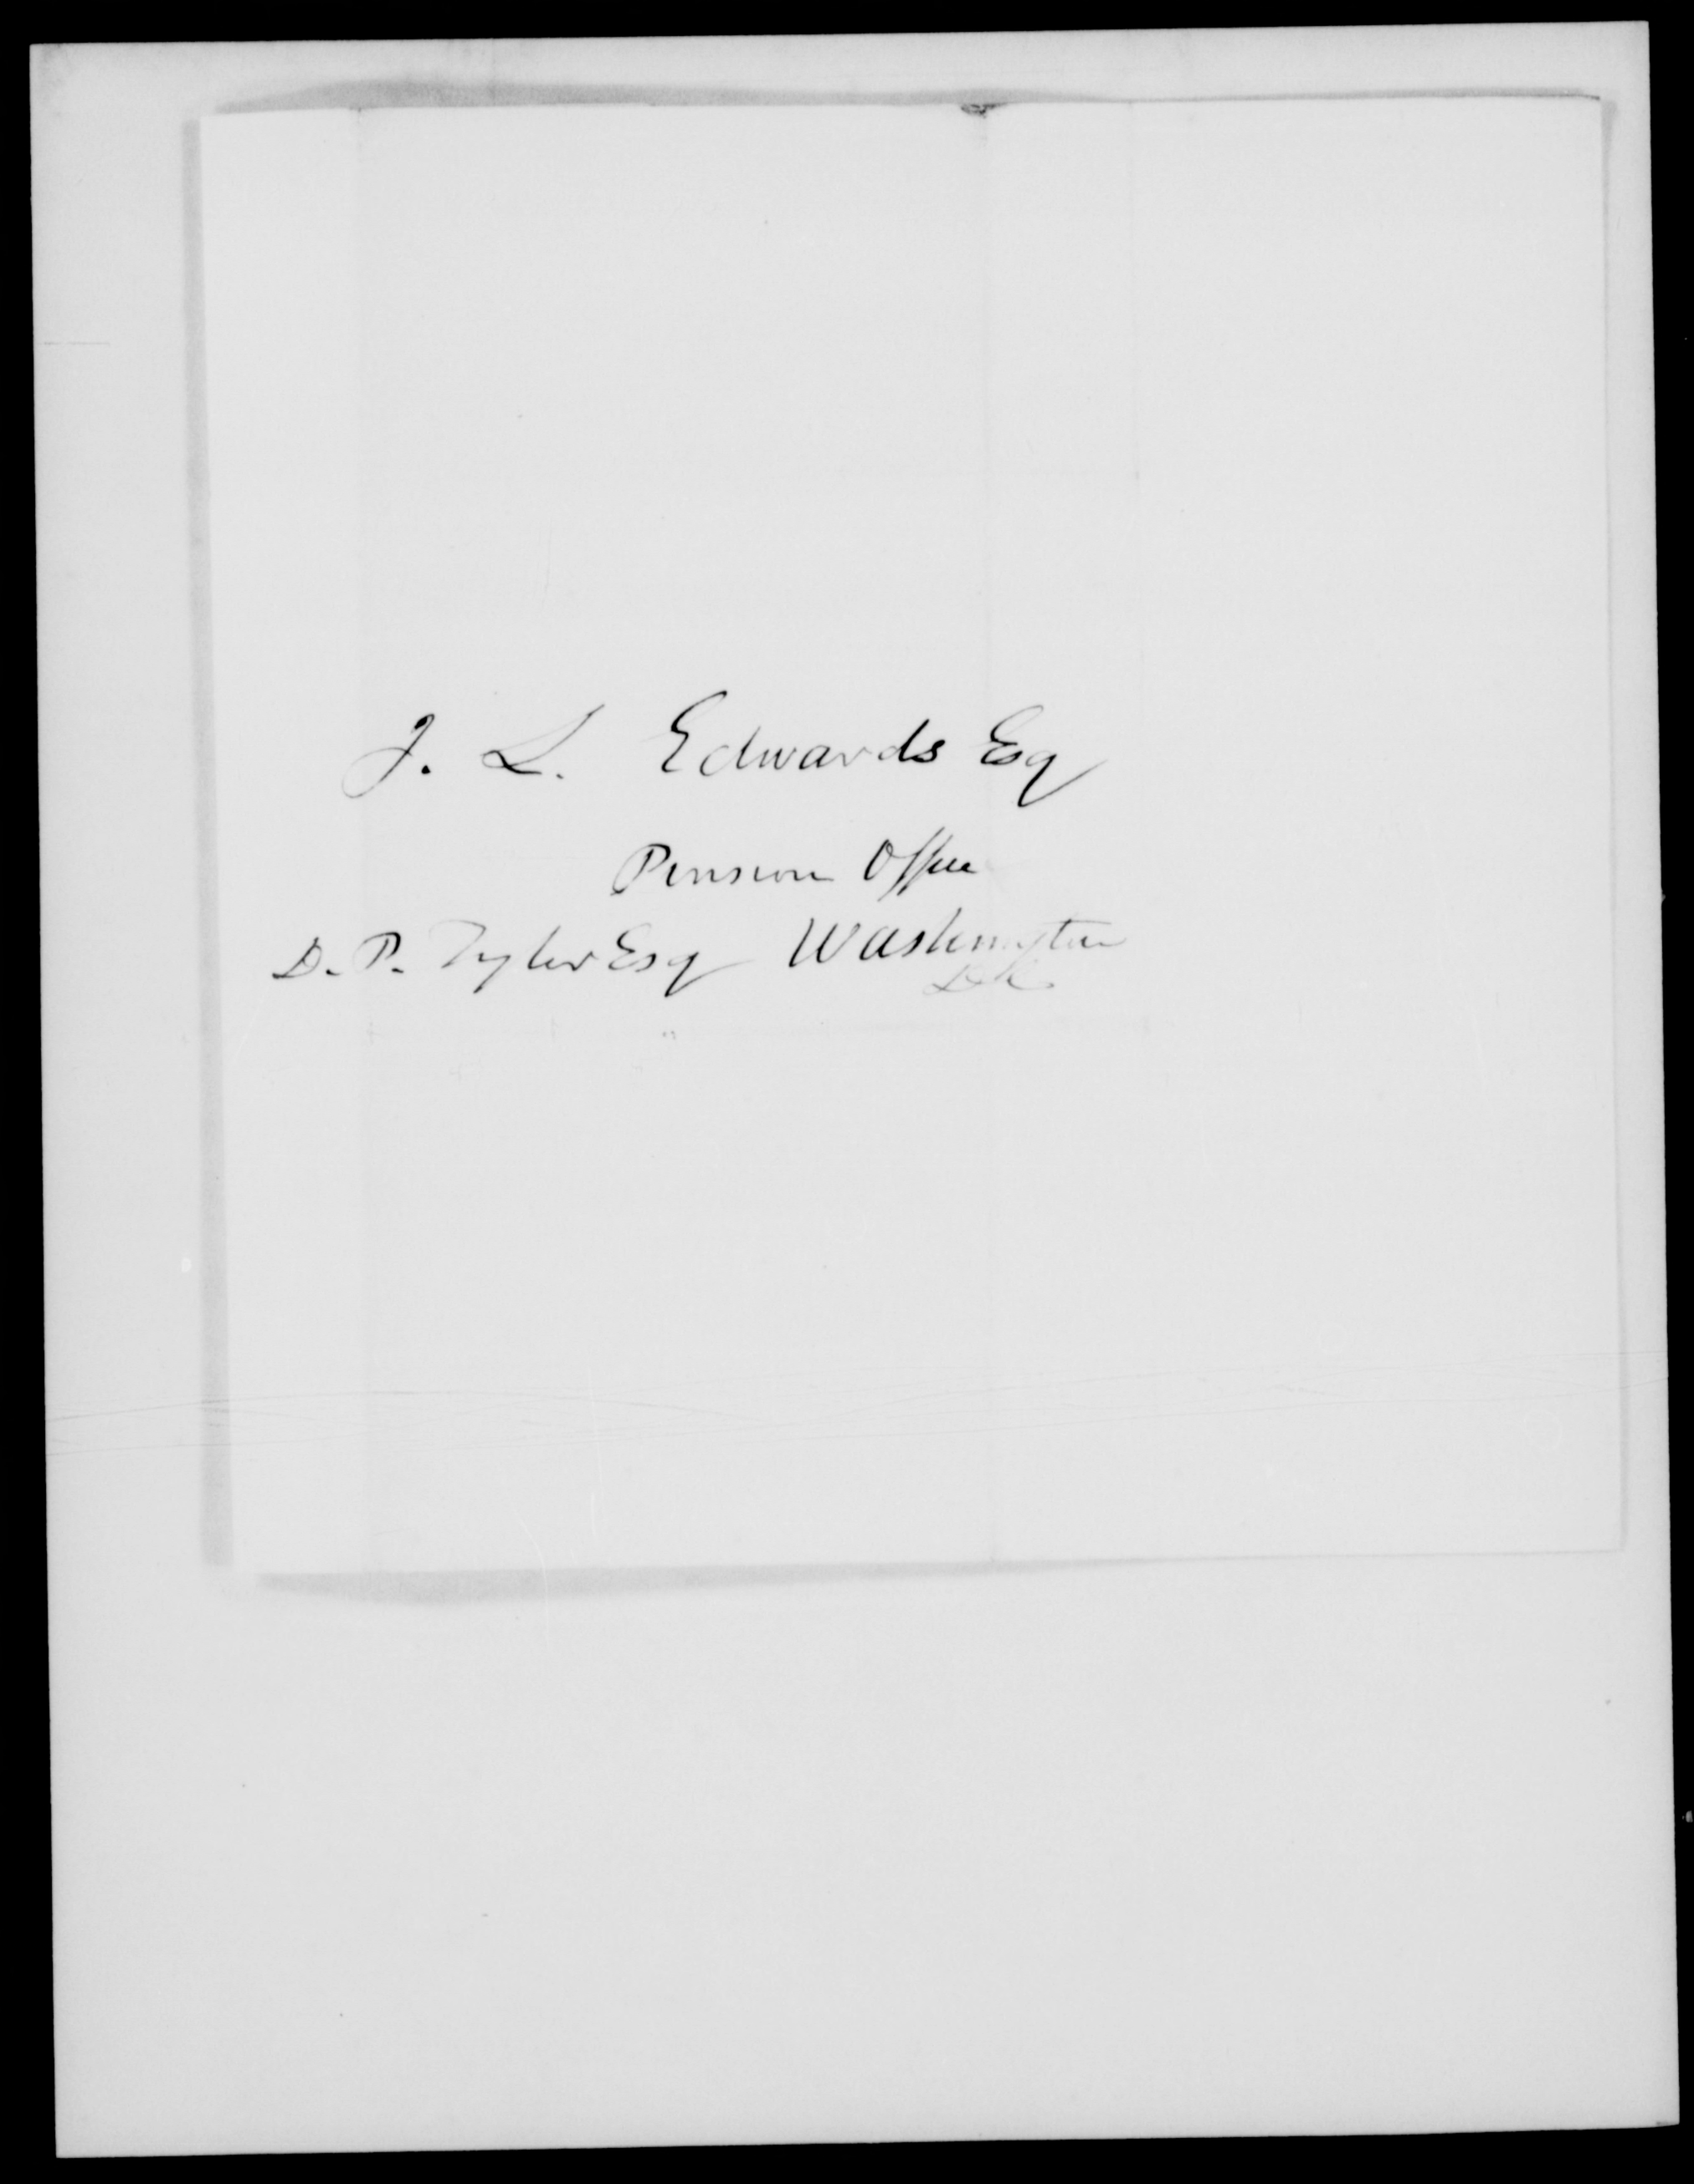J. L. Edwards Esq

Pension Office
D. P. Tyler Esq     Washington 
                               DC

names: J L Edwards, D P Tyler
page: 35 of 53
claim: widow's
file: W 17707, Benjamin Weaver, R.I.